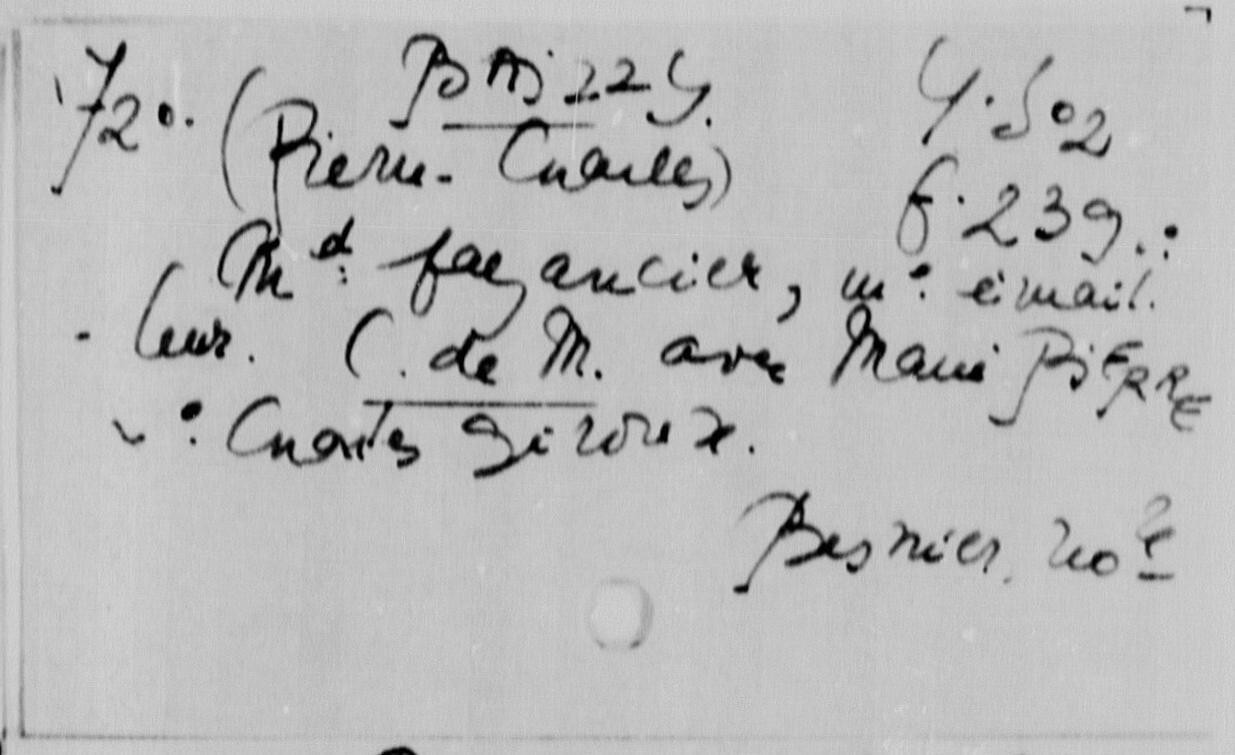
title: BAILLY (Pierre-Charles)
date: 1720
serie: Y
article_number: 502
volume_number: folio 239 verso
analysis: Marchand fayancier, maîchand émailleur. Contrat de mariage avec Marie PIERRE veuve Charles Giroux. Besnier, notaire.
